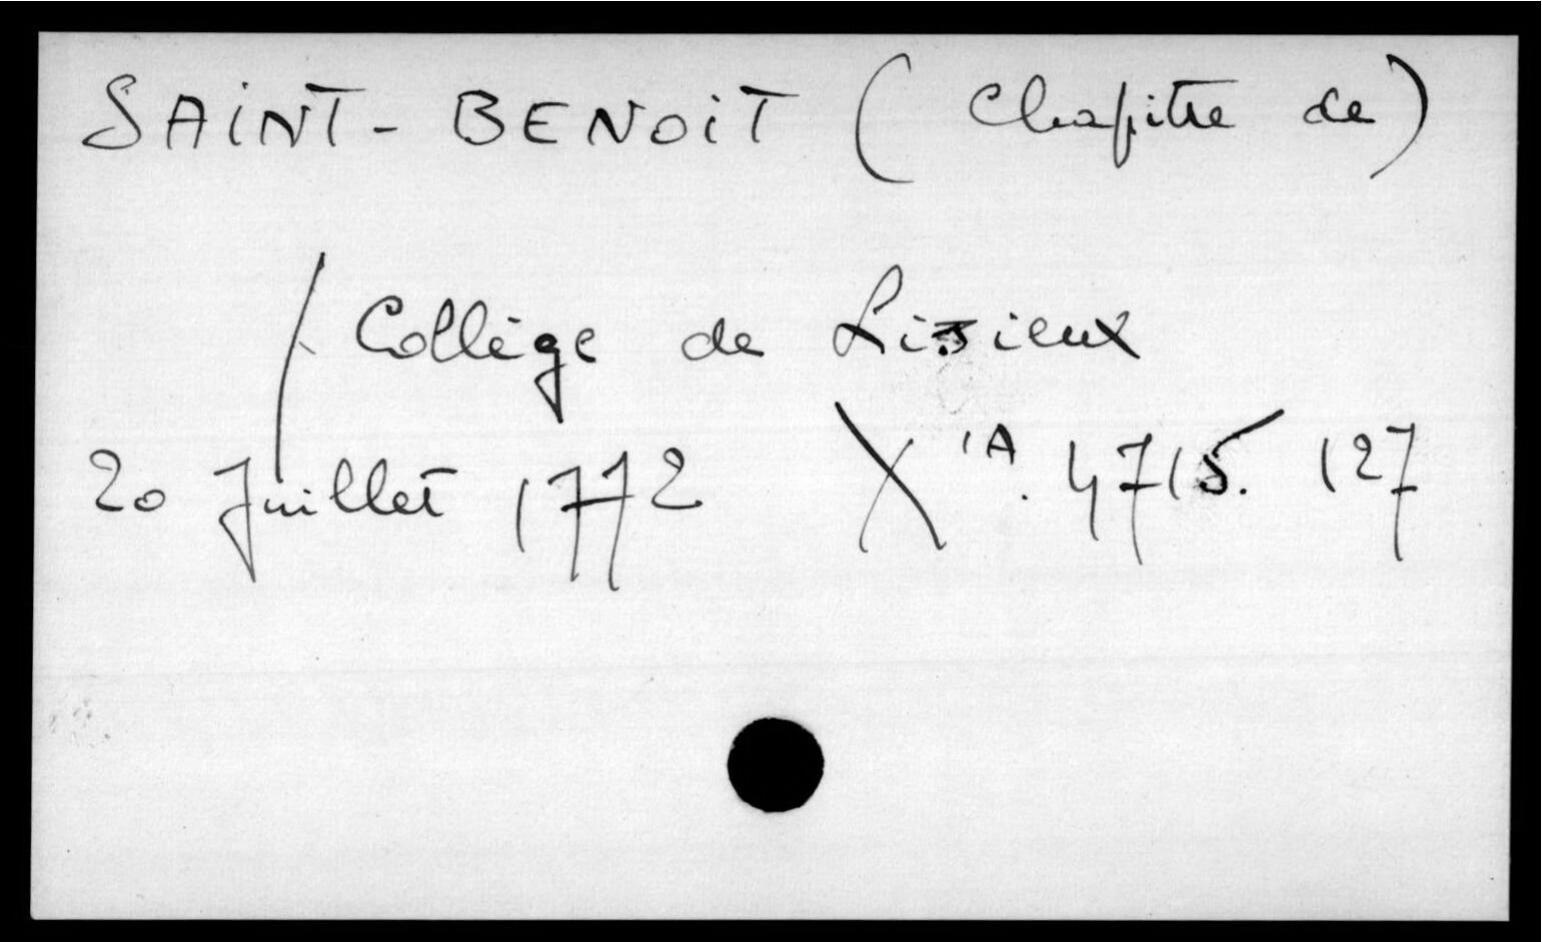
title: SAINT-BENOIT (Chapitre de)
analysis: Contre Collège de Lisieux
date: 20 juillet 1772
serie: X1A
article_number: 4715
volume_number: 127
